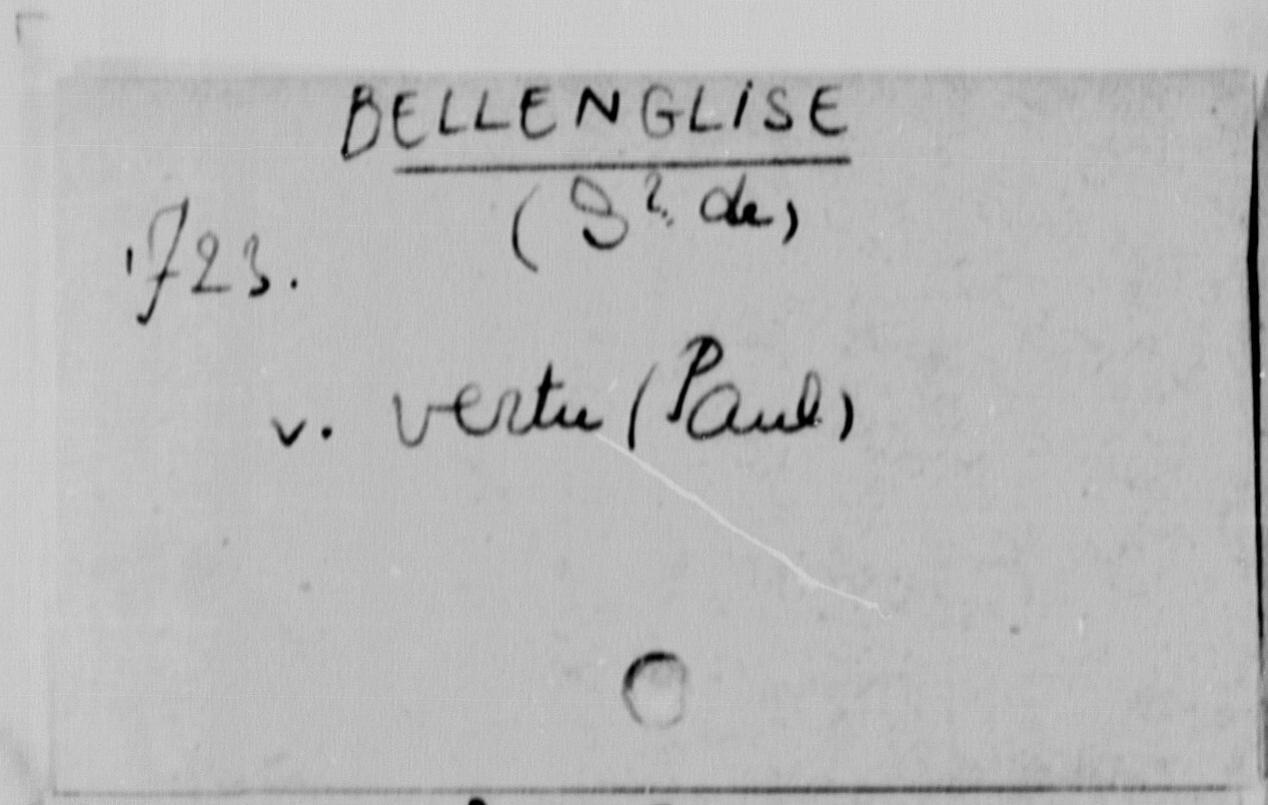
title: BELLENGLISE (Seigneur de)
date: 1723
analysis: Voir VERTU (Paul)
